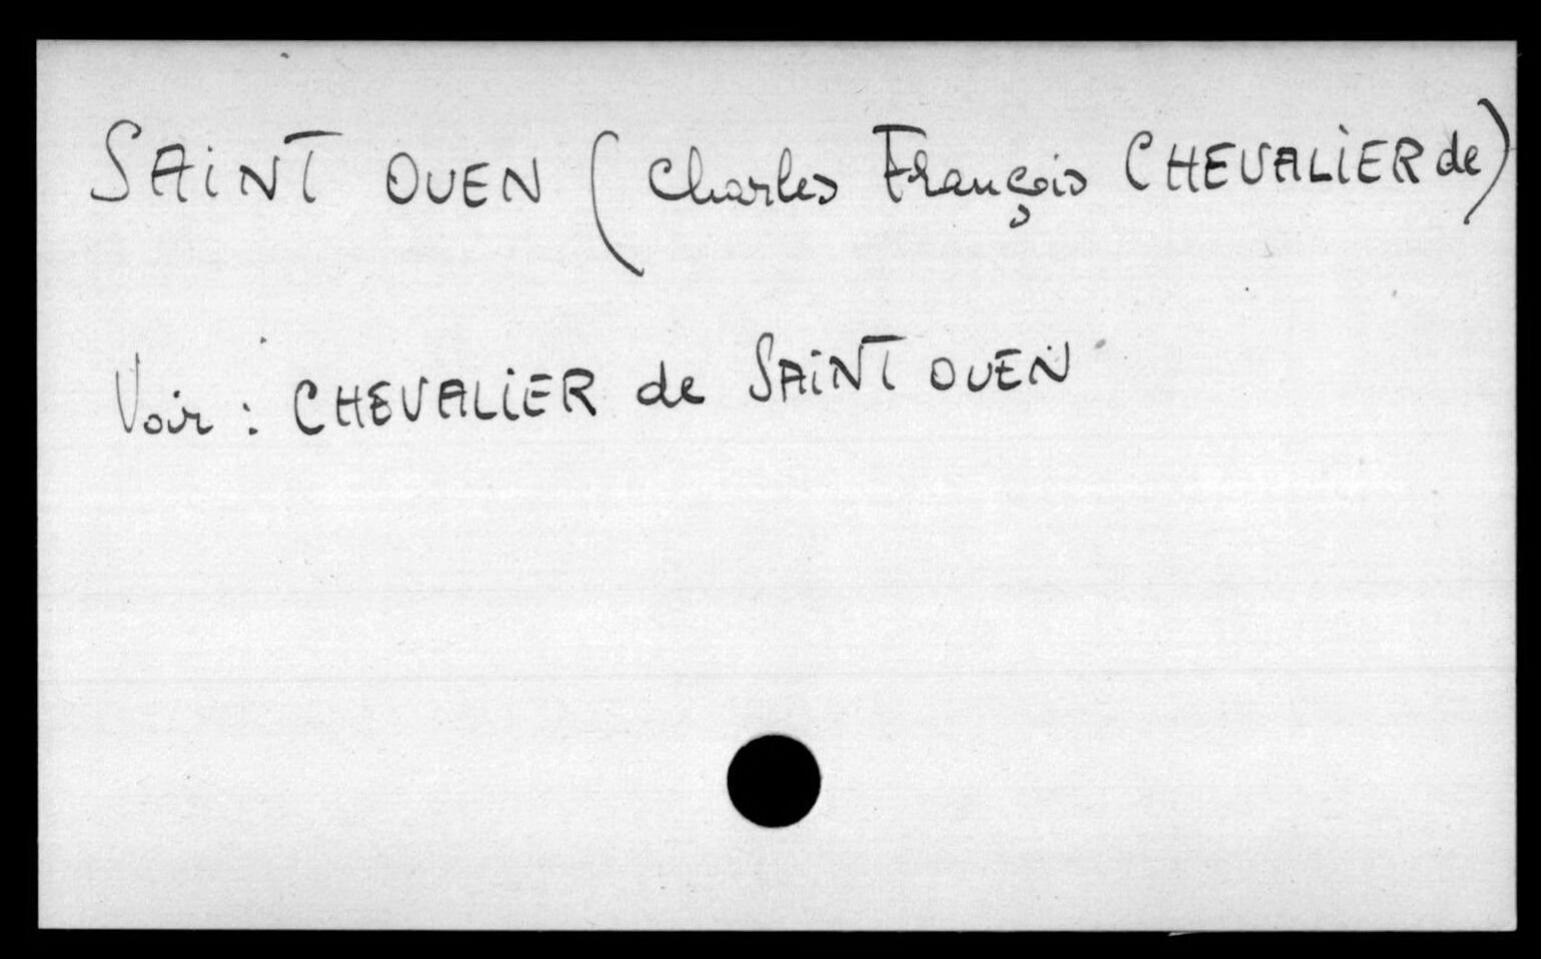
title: SAINT OUEN (Charles François CHEVALIER de)
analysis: Voir : CHEVALIER de SAINT OUEN
